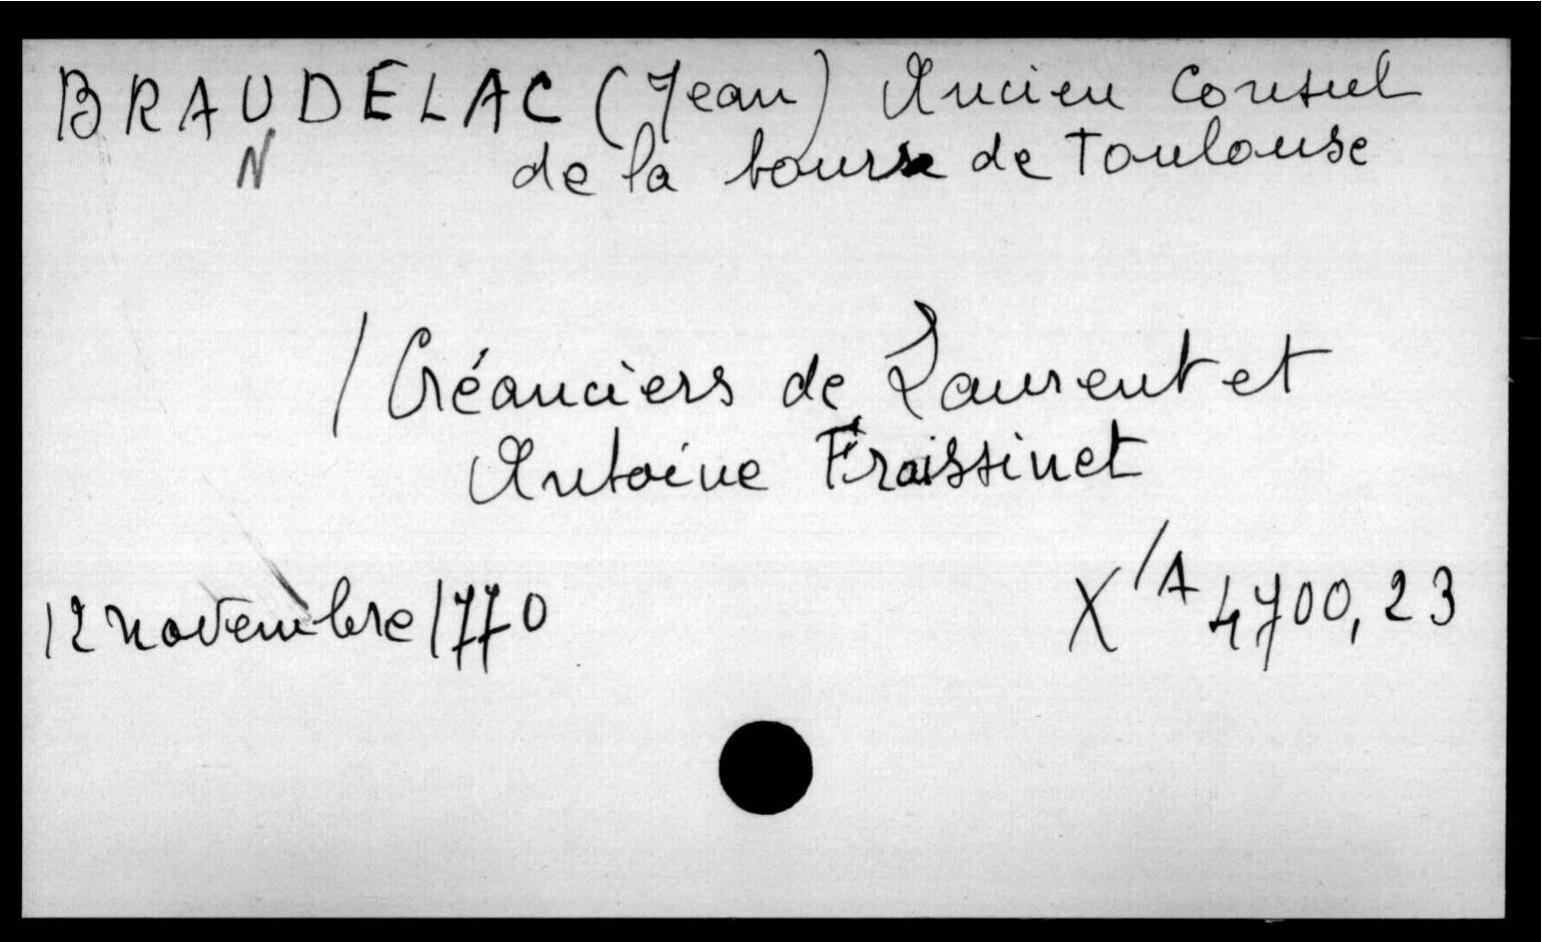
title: BRANDELAC (Jean) Ancien consUl de la bourse de Toulouse
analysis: Contre Créanciers de Laurent et Antoine Fraissinet
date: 12 novembre 1770
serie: X1A
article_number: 4700
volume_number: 23
